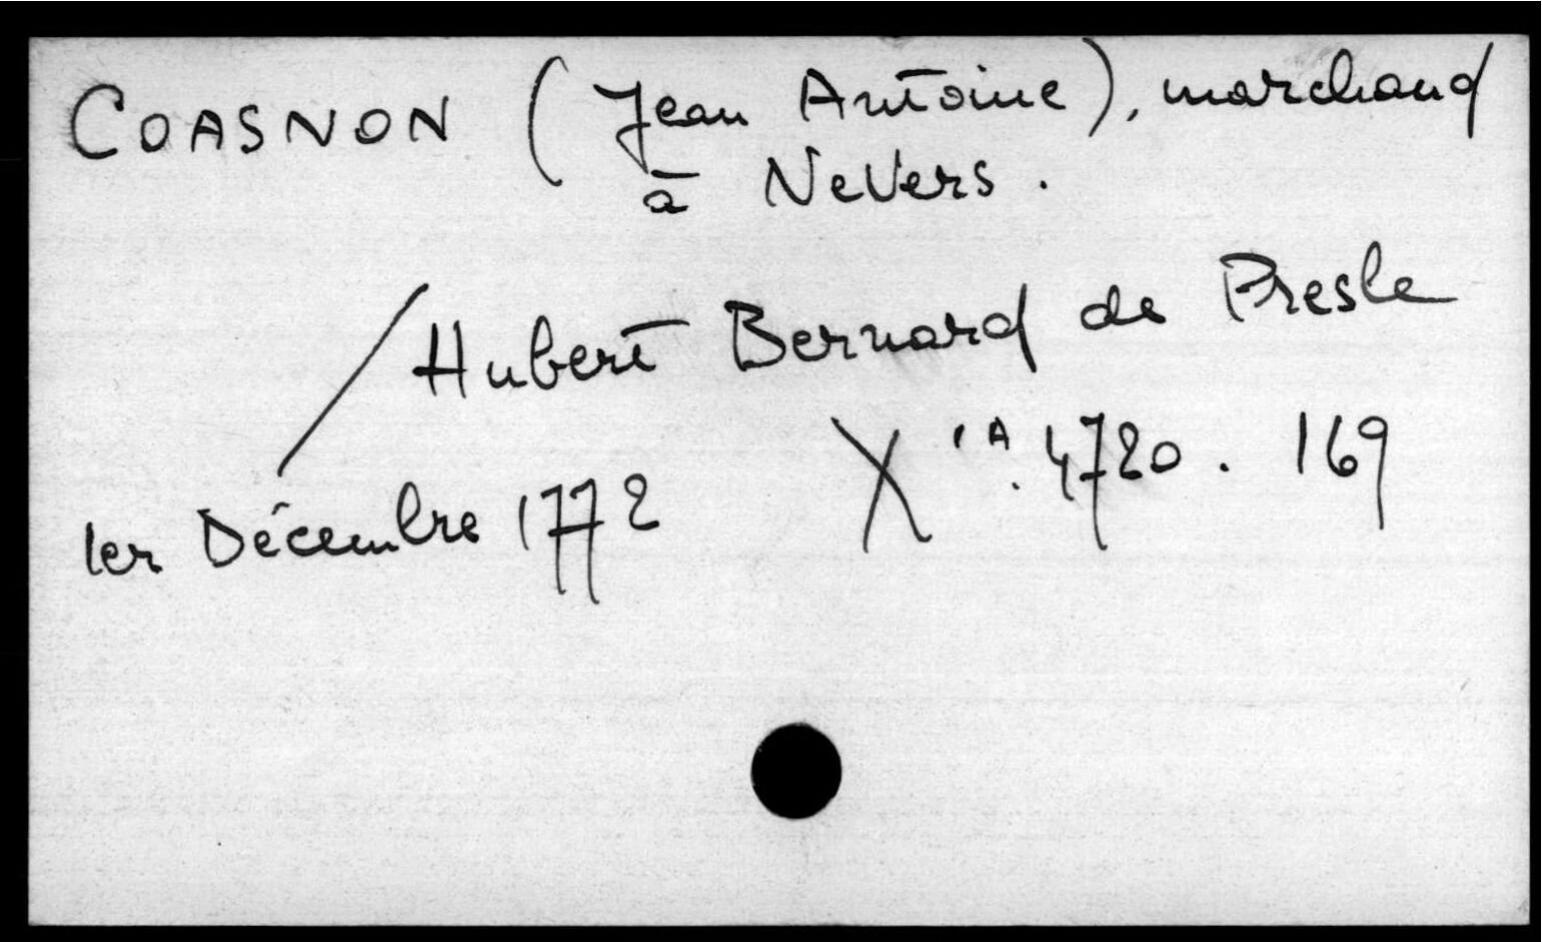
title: COASNON (Jean Antoine), marchand à Nevers.
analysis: Contre Hubert Bernard de Presle
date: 1 décembre 1772
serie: X1A
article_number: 4720
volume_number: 169
